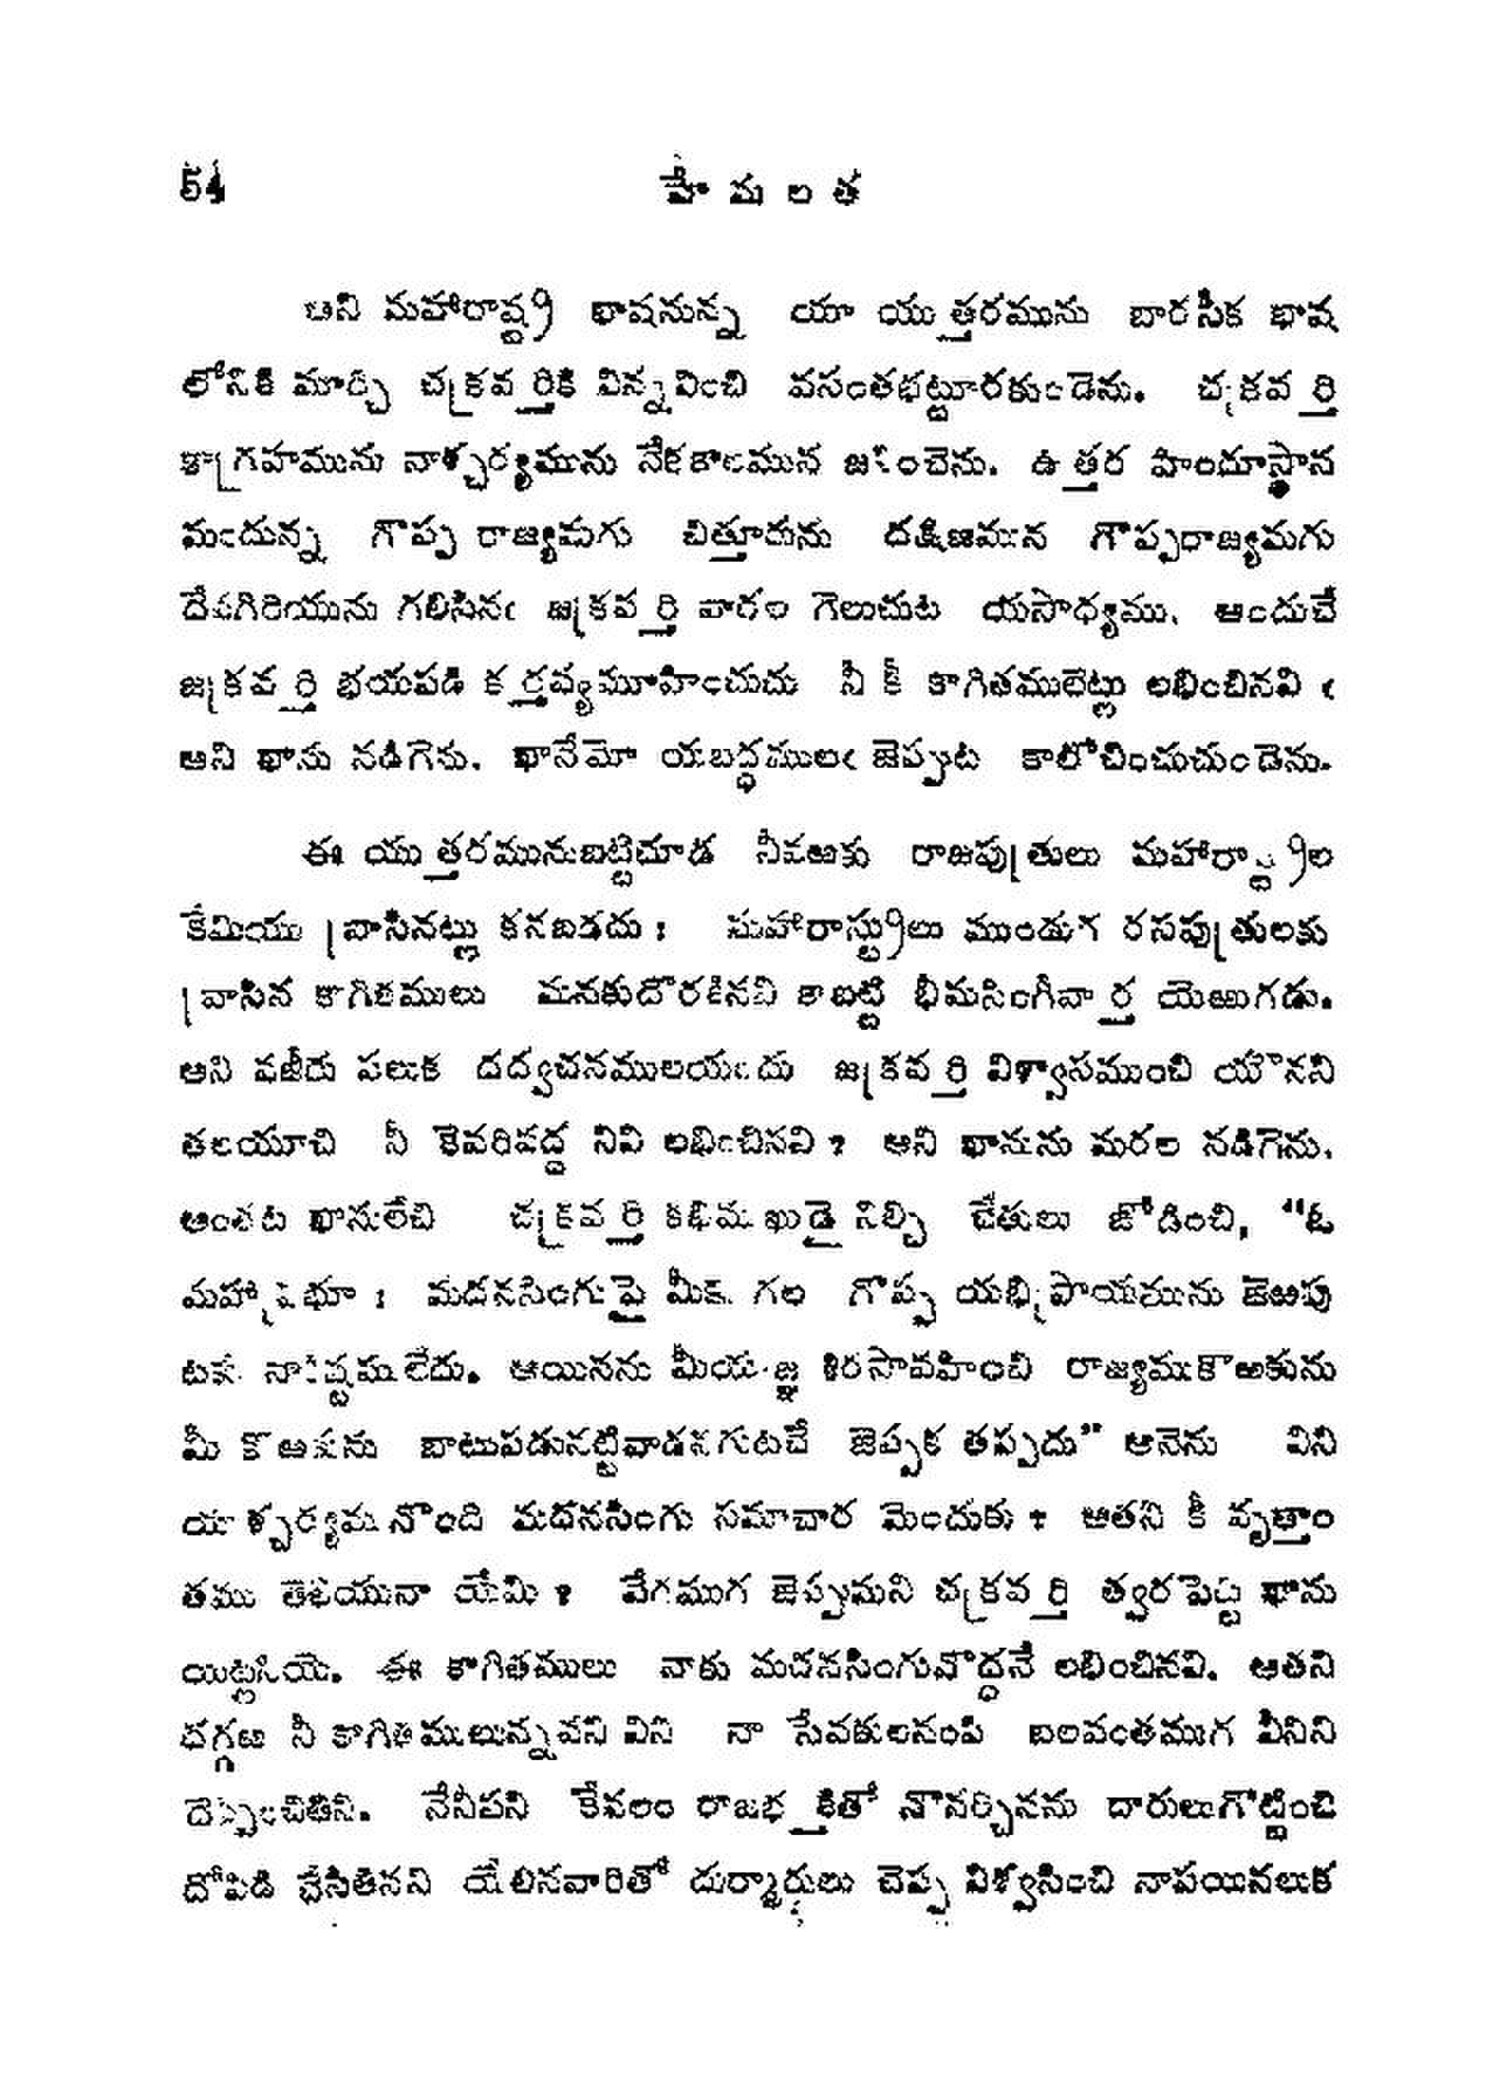అని మహారాష్ట్ర భాషనున్న యా యుత్తరమును బారసీక భాషలోనికి మార్చి చక్రవర్తికి విన్నవించి వసంతభట్టూరకుండెను. చక్రవర్తి కాగ్రహమును నాశ్చర్యమును నేకకాలమున జనించెను. ఉత్తర హిందూస్థానమందున్న గొప్ప రాజ్యమగు చిత్తూరును దక్షిణమున గొప్ప రాజ్యమగు దేవగిరియును గలిసిన చక్రవర్తి వారల గెలుచుట యసాధ్యము. అందుచే జక్రవర్తి భయపడి కర్తవ్యమూహించుచు నీ కీ కాగితములెట్లు లభించినవి అని ఖాను నడిగెను. ఖానేమో యబద్ధములఁ జెప్పుట కాలోచించుచుండెను.

ఈ యుత్తరమునుబట్టిచూడ నీవఱకు రాజపుత్రులు మహారాష్ట్రులకేమియు వ్రాసినట్లు కనబడదు. మహారష్ట్రులు ముందుగా రసపుత్రులకు వ్రాసిన కాగితములు మనకుదొరకినవి కాబట్టి భీమసింగీవార్త యెఱుగడు. అని వజీరు పలుక దద్వచనములయందు జక్రవర్తి విశ్వాసముంచి యౌనని తలయూచి నీకెవరివద్ద నివి లభించినవి? అని ఖానును మరల నడిగెను. అంతట ఖాను లేచి చక్రవర్తికభిముఖుడై నిల్చి చేతులు జోడించి, “ఓ మహాప్రభూ! మదనసింగుపై మీకు గల గొప్ప యభిప్రాయమును జెఱుపుటకు నాకిష్టములేదు. అయినను మీ యాజ్ఞ శిరసావహించి రాజ్యము కొఱకును మీ కొఱకును బాటుపడునట్టివాడనగుటచే జెప్పక తప్పదు” అనెను. విని యాశ్చర్యమునొంది మదనసింగు సమాచార మెందుకు? అతని కీ వృత్తాంతము తెలియునా యేమి? వేగముగ జెప్పుమని చక్రవర్తి త్వరపెట్ట ఖాను యిట్లనియె. ఈ కాగితములు నాకు మదనసింగునొద్దనే లభించినవి. అతని దగ్గఱ నీ కాగితములున్నవని నాసేవకులనంపి బలవంతముగ వీనిని దెప్పించితిని. నేనీపని కేవలం రాజభక్తితో నొనర్చినను దారులగొట్టించి దోపిడీ చేసితినని యేలినవారితో దుర్మార్గులు చెప్ప విశ్వసించి నాపయినలుక